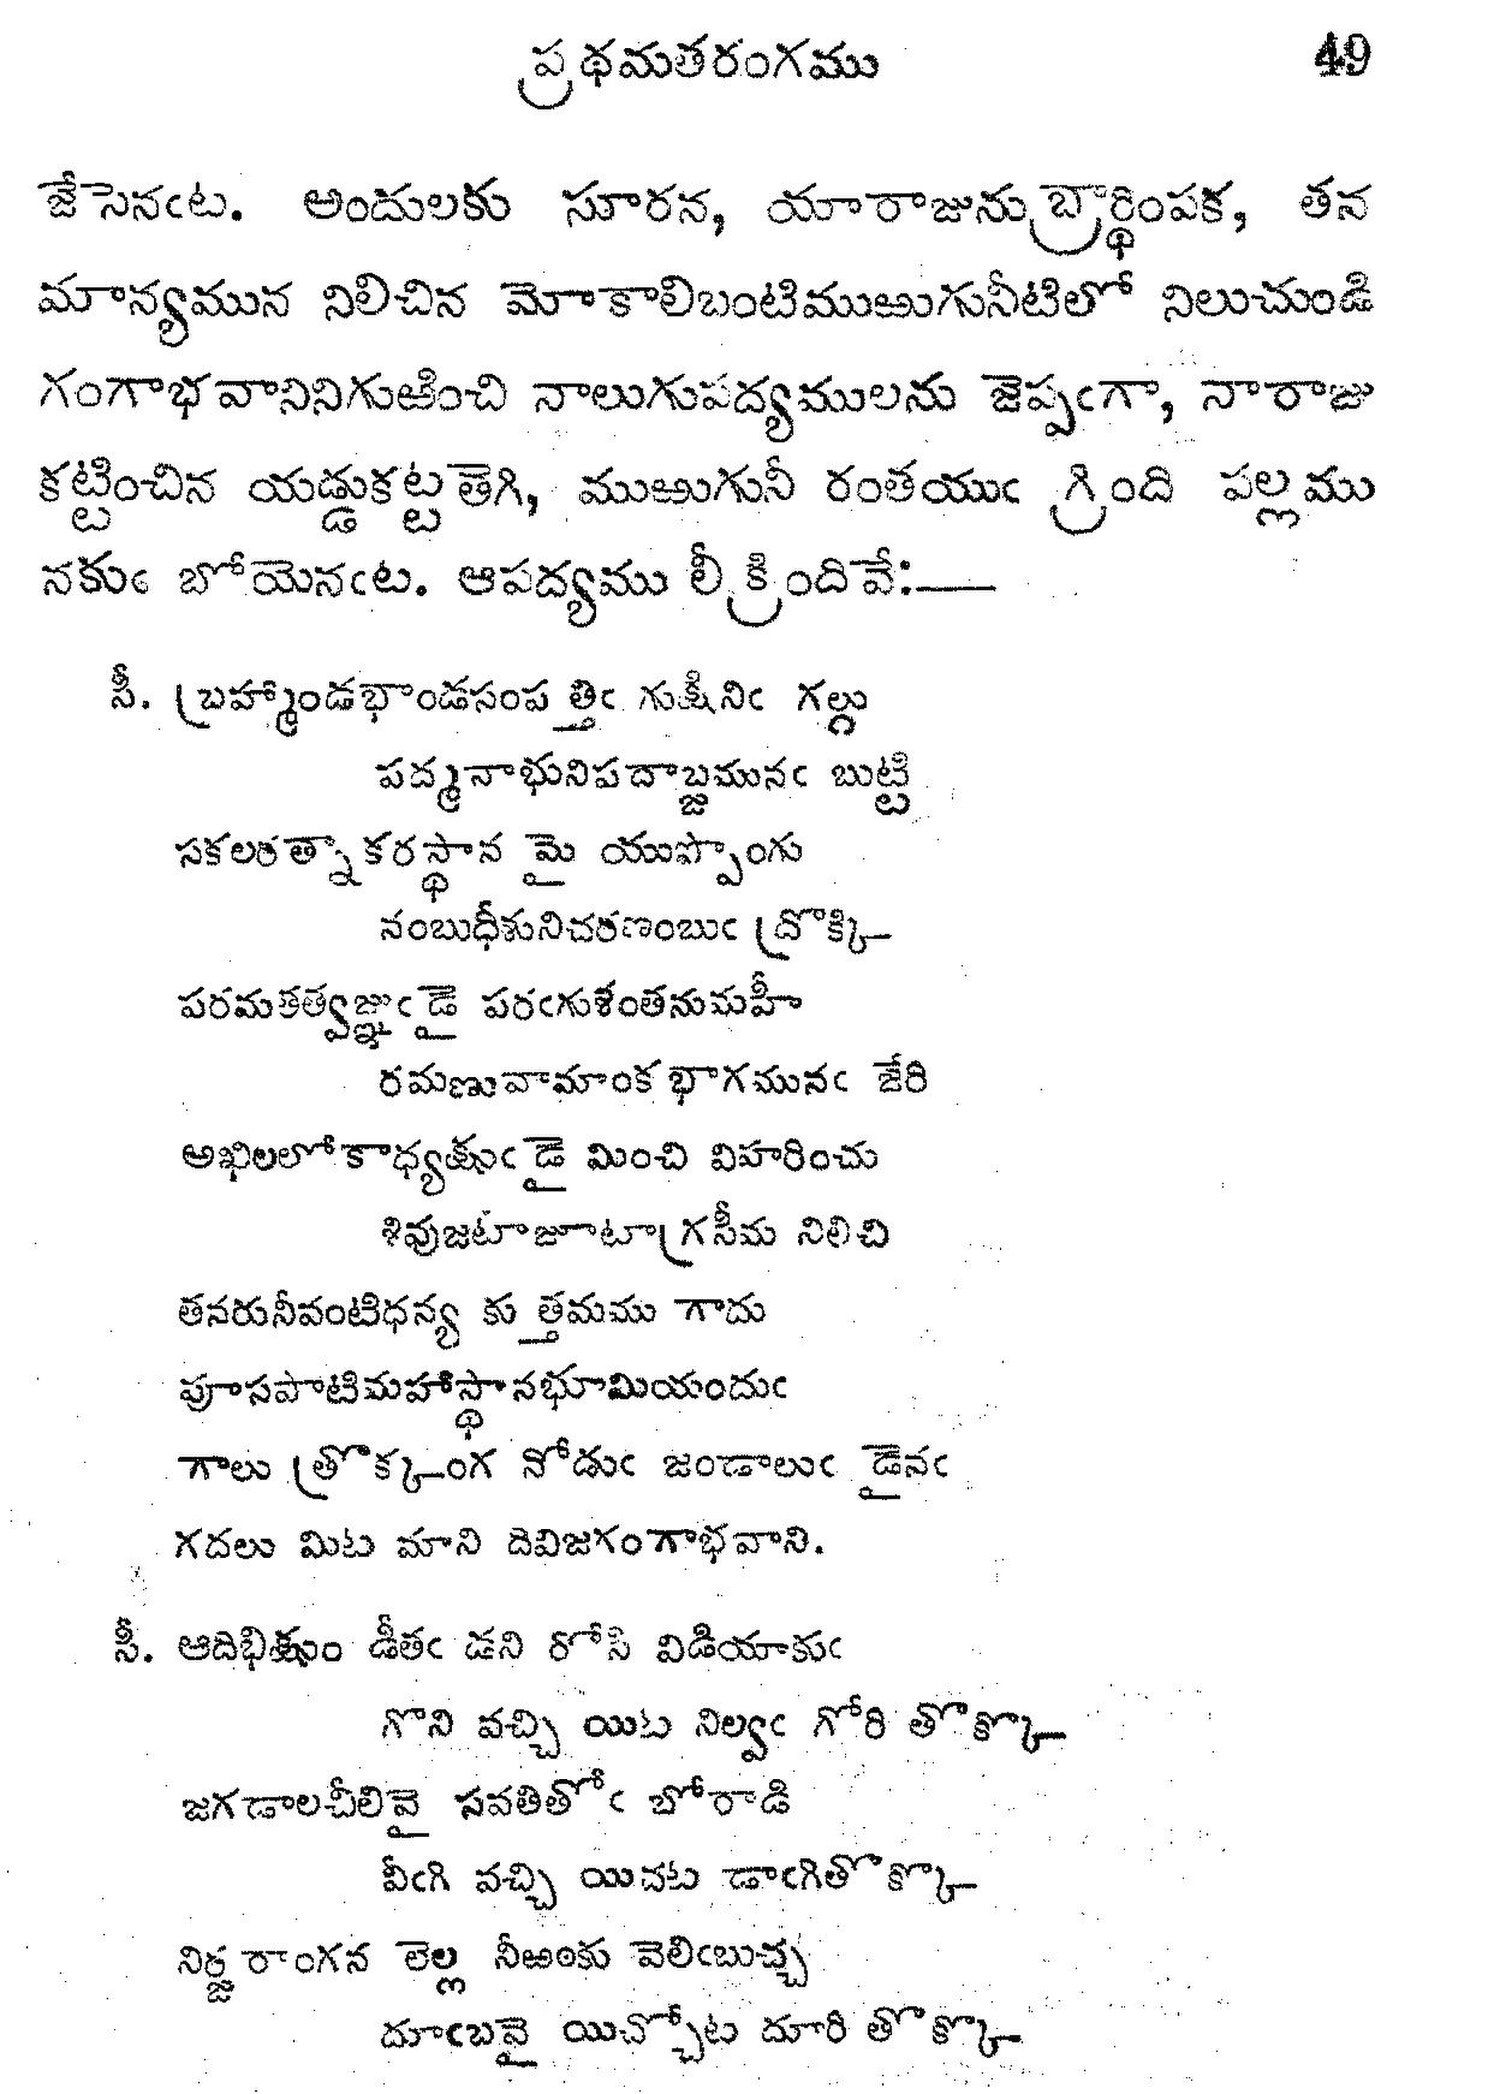జేసెనఁట. అందులకు సూరన, యారాజును బ్రార్థింపక, తనమాన్యమున నిలిచిన మోకాలిబంటిముఱుగునీటిలో నిలుచుండి గంగాభవానినిగుఱించి నాలుగుపద్యములను జెప్పఁగా, నారాజు కట్టించిన యడ్డుకట్ట తెగి, ముఱుగునీ రంతయుఁ గ్రింది పల్లమునకుఁ బోయెనఁట. ఆపద్యము లీక్రిందివే—

సీ. బ్రహ్మాండభాండసంపత్తిఁ గుక్షినిఁ గల్గు
 పద్మనాభునిపదాబ్జమునఁ బుట్టి
 సకలరత్నాకరస్థానమై యుప్పొంగు
 నంబుధీశునిచరణంబుఁ ద్రొక్కి
 పరమతత్త్వజ్ఞుఁడై పరఁగు శంతనుమహీ
 రమణువామాంకభాగమునఁ జేరి
 అఖిలలోకాధ్యక్షుఁడై మించి విహరించు
 శివుజటాజూటాగ్రసీమ నిలిచి
 తనరు నీవంటిధన్య కుత్తమము గాదు
 పూసపాటిమహాస్థానభూమియందుఁ
 గాలు త్రొక్కంగ నోడుఁ జండాలుఁడైన
 గదలు మిటమాని దివిజగంగాభవాని!

సీ. ఆదిబిక్షుం డీతఁ డని రోసి విడియాకు
 గొనివచ్చి యిట నిల్వఁ గోరితొక్కొ
 జగడాలచీలివై సవతితోఁ బోరాడి
 వీఁగివచ్చి యిచట డాఁగితొక్కొ
 నిర్జరాంగన లెల్ల నీఱంకు వెలిఁబుచ్చ
 దూఁబవై యిచ్చోట దూరితొక్కొ